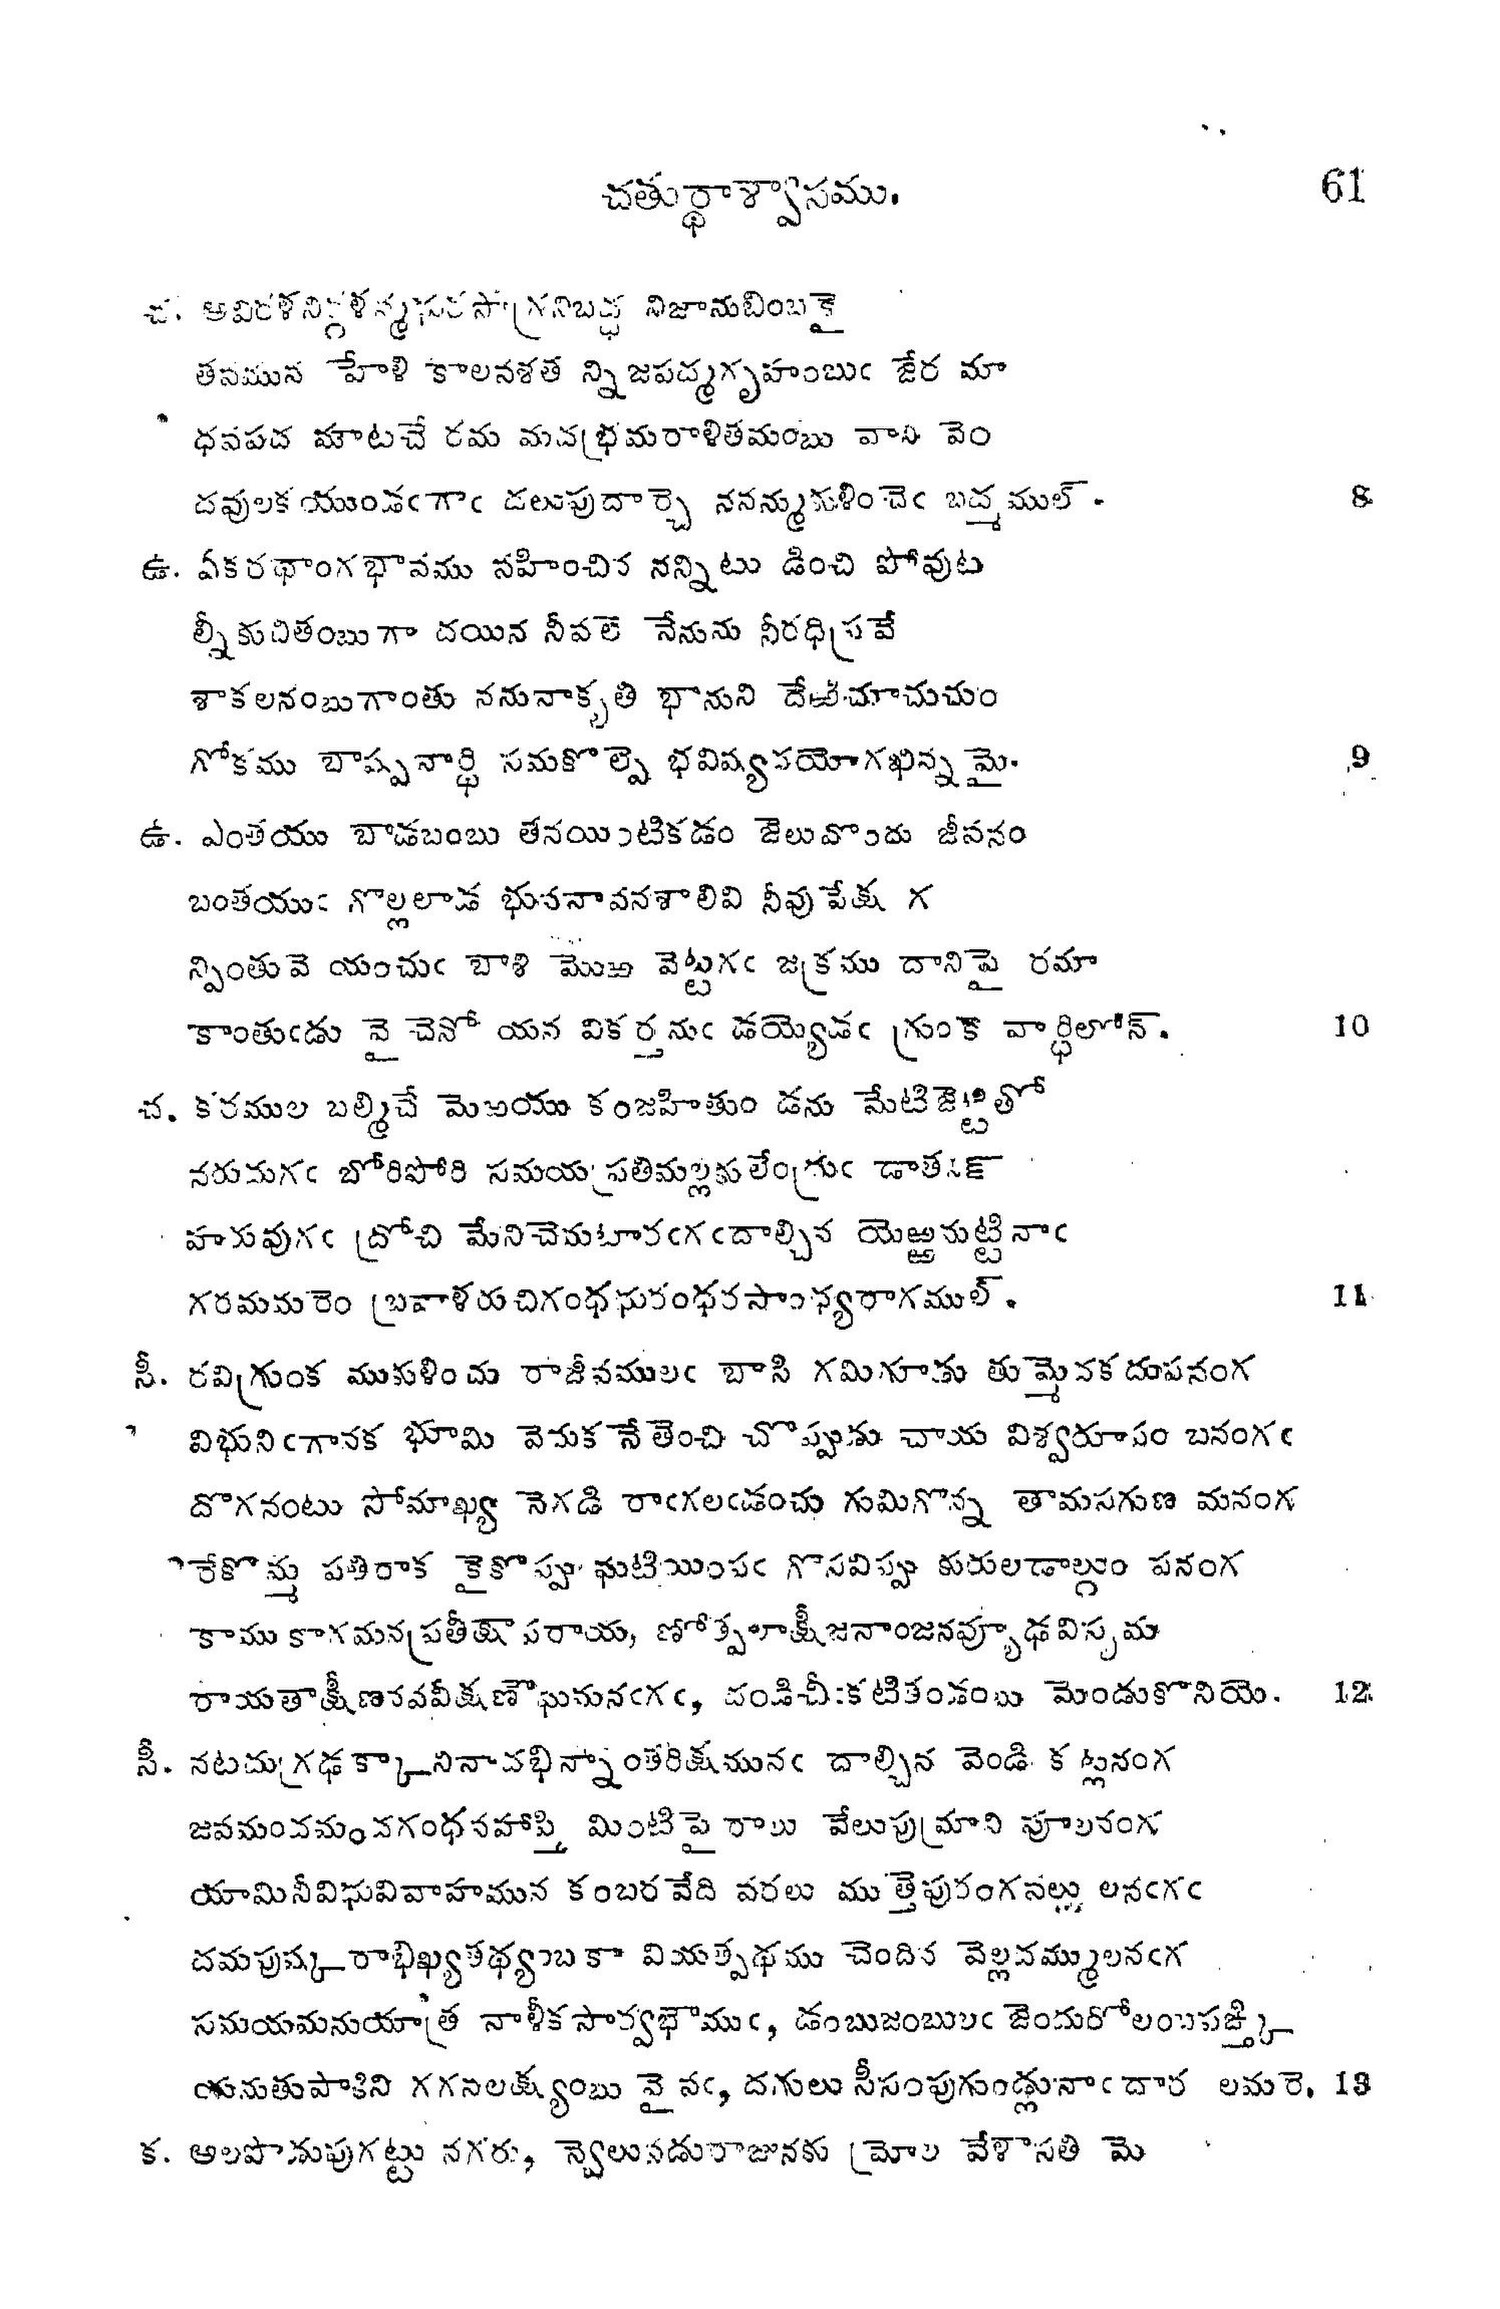చ. అవిరళనిర్గళన్మధురసాగ్రనిబద్ధ నిజానుబింబకై
తవమున హేళి కాలవశత న్నిజపద్మగృహంబుఁ జేర మా
ధవపదచ మౌటచే రమ మచభ్రమరాళితమంబు వాని వెం
దవులకయుండఁగాఁ దలుపు దార్చె నన న్ముకుళించెఁ బద్మముల్.
ఉ. ఏకరథాంగభావము వహించిన నన్నిటు డించి పోవుట
ల్నీ కుచితంబు గా దయిన నీవలె నేనును నీరధిప్రవే
శాకలనంబు గాంతు నను నాకృతి భానుని దేఱిచూచుచుం
గోకము బాష్పనార్థి సమకొల్పె భవిష్యదయోగఖిన్నమై.
ఉ. ఎంతయు బాడబంబు తనయింటికడం జెలువొందు జీవనం
బంతయుఁ గొల్లలాడ భువనావనశాలివి నీవుపేక్ష గ
న్పింతువె యంచుఁ బాశి మొఱ వెట్టగఁ జక్రము దానిపై రమా
కాంతుఁడు వైచెనో యన వికర్తనుఁ డయ్యెడఁ గ్రుంకె వార్ధిలోన్.
చ. కరముల బల్మిచే మెఱయు కంజహితుం డను మేటిజెట్టితో
నరుదుగఁ బోరిపోరి సమయప్రతిమల్లకులేంద్రుఁ డాతనిన్
హరువుగఁ ద్రోచి మేనిచెమ టారఁగఁ దాల్చిన యెఱ్ఱమట్టినా
గరమమరెం బ్రవాళరుచిగంధధురంధరసాంధ్యరాగముల్.
సీ. రవిగ్రుంక ముకుళించు రాజీవములఁ బాసి గమిగూడు తుమ్మెదకదు పనంగ
విభునిఁ గానక భూమి వెదుక నేతెంచి చొప్పుడు చాయ విశ్వరూపం బనంగఁ
దొగనంటు సోమాఖ్య నెగడి రాఁగలఁడంచు గుమిగొన్న తామసగుణ మనంగ
రేకొమ్మ పతిరాక కైకొప్పు ఘటియింపఁ గొనవిప్పు కురులడా ల్గుం పనంగ
కాముకాగమనప్రతీక్షాపరాయ, ణోత్పలాక్షీజనాంజనవ్యూఢవిసృమ
రాయతాక్షీణనవవీక్షణౌఘ మనఁగఁ, దండిచీఁకటితండంబు మెండుకొనియె.
సీ. నటదుగ్రఢక్కానినాదభిన్నాంతరిక్షమునఁ దాల్చిన వెండిక ట్లనంగ
జవమందమందగంధవహాప్తి మింటిపై రాలు వేలుపుమ్రానిపూ లనంగ
యామినీవిధువివాహమున కంబరవేది వరలు ముత్తెపురంగవల్లు లనఁగఁ
దమపుష్కరాభిఖ్యతథ్యంబకా వియత్పథము చెందిన వెల్లదమ్ము లనఁగ
సమయమనుయాత్ర నాళీకసార్వభౌముఁ, డంబుజంబులఁ జెందురోలంబపఙ్క్తి
యనుతుపాకిని గగనలక్ష్యంబు వైవఁ, దగులు సీసంపుగుండ్లునాఁ దార లమ రె.
క. అలపొడుపుగట్టు నగరు, న్వెలువడురాజునకు మ్రోల వేళాసతి మె